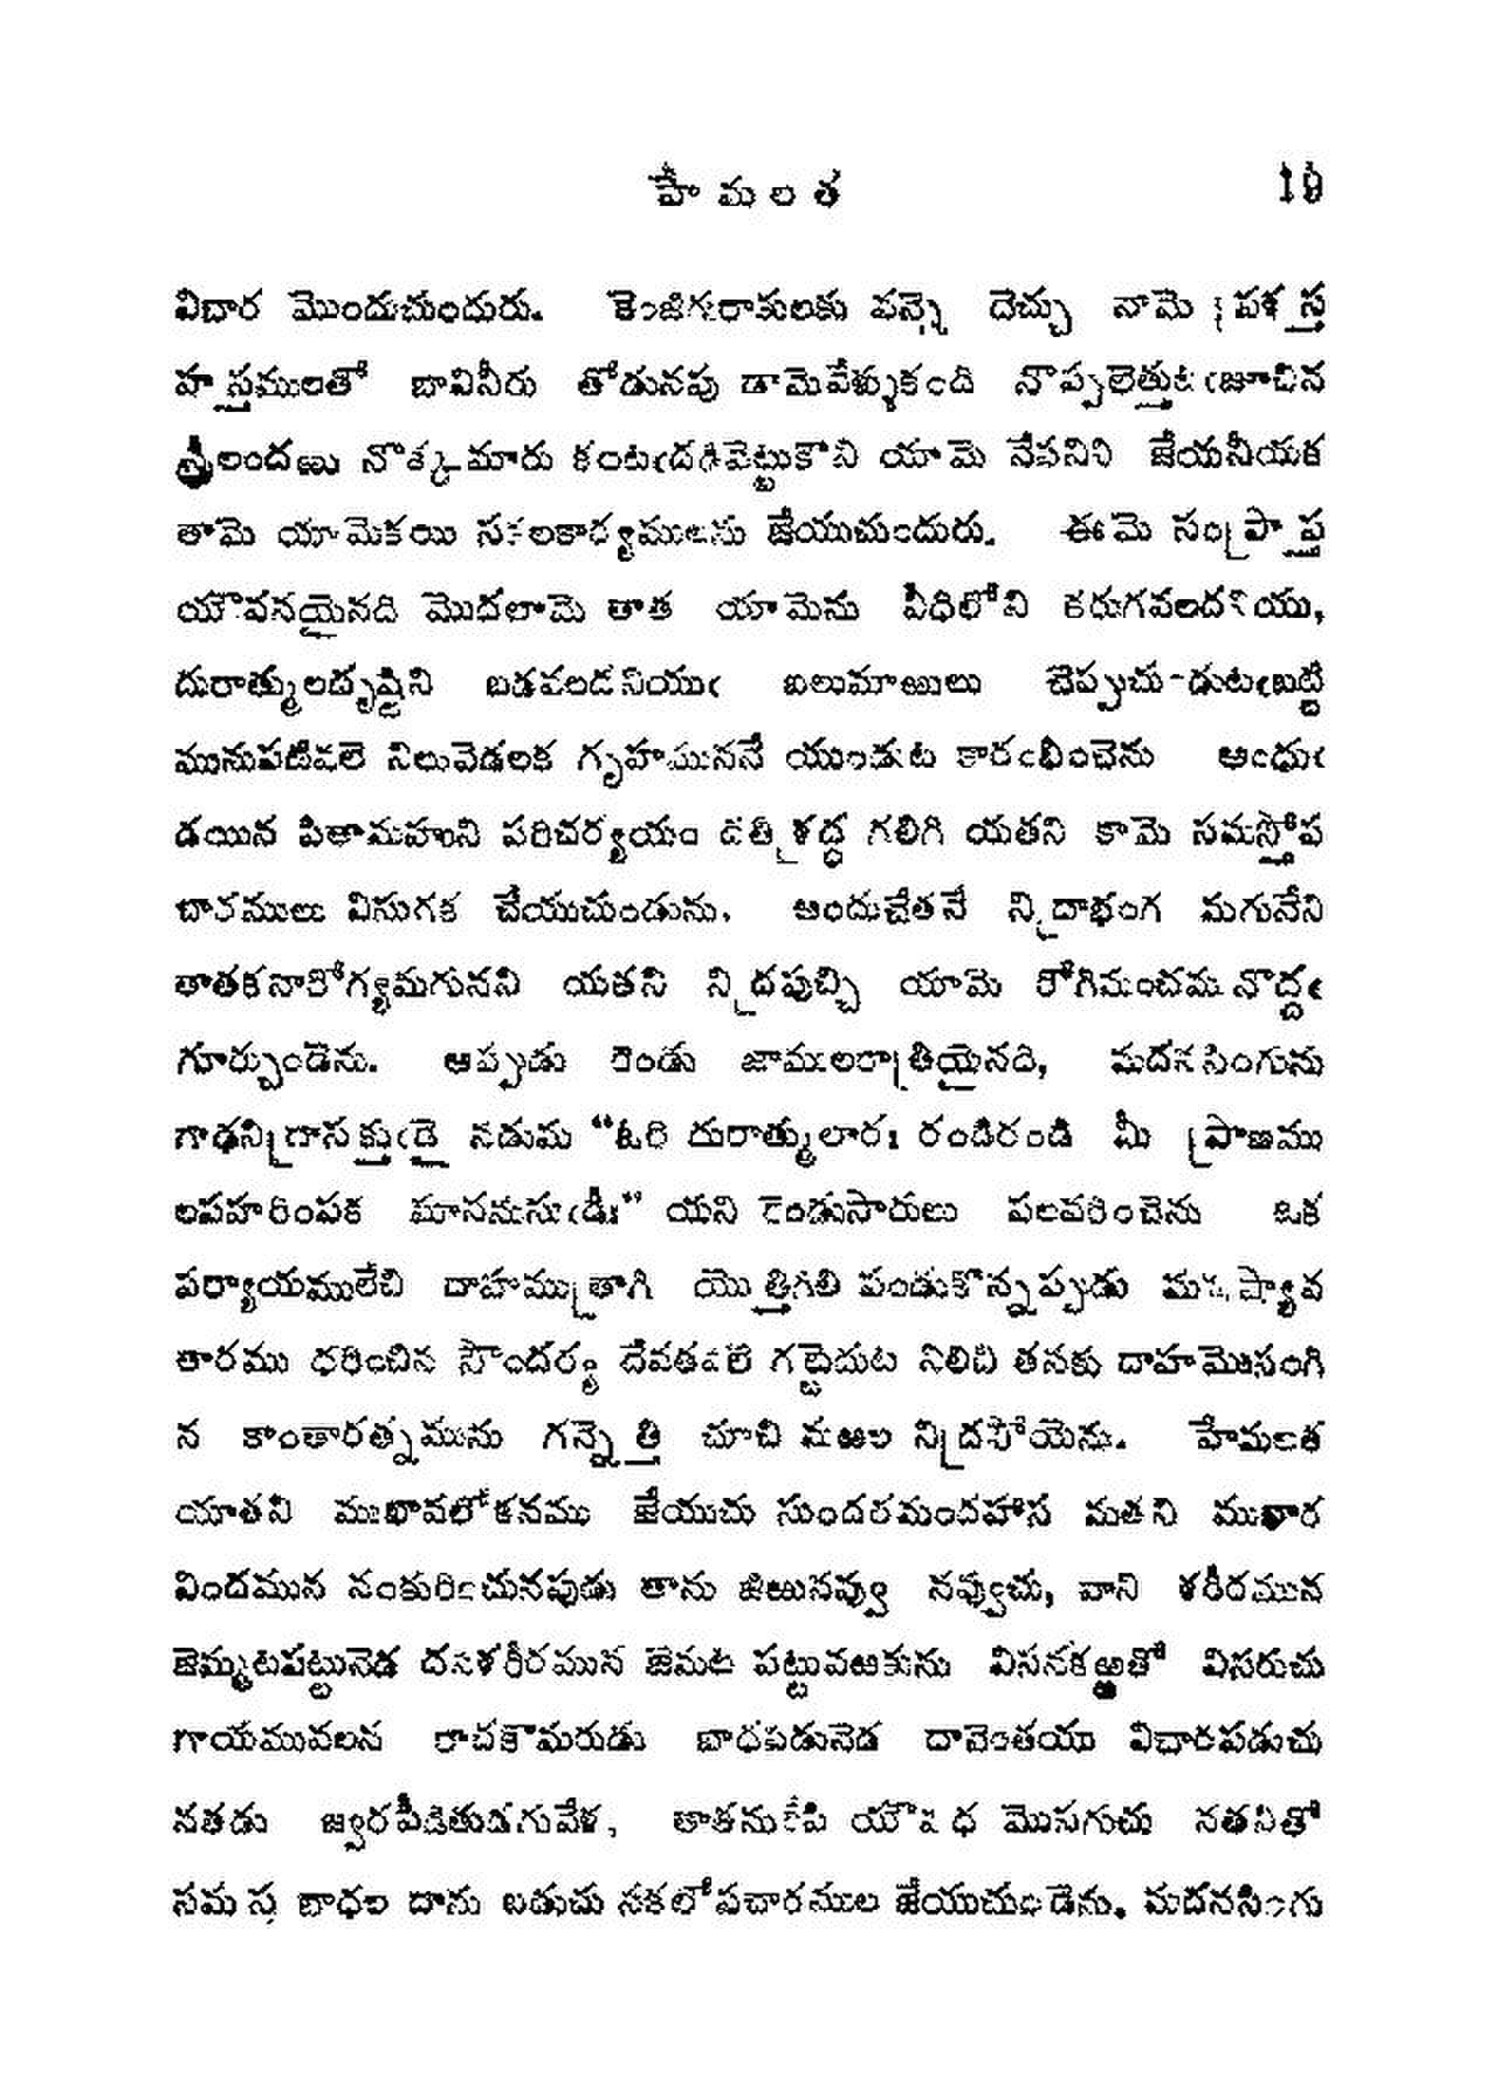విచార మొందుచుందురు. కెంజిగురాకులకు వన్నె దెచ్చు నామె ప్రశస్త హస్తములతో బావినీరు తోడునపు డామెవేళ్ళుకంది నొప్పులెత్తుటఁ జూచిన స్త్రీలందఱు నొక్కమారు కంటఁదడివెట్టుకొని యామె నేపనిని జేయనీయక తామె యామెకయి సకలకార్యములను జేయుచుందురు. ఈమె సంప్రాప్త యౌవనమైనది మొదలామె తాత యామెను వీధిలోని కరుగవలదనియు, దురాత్ముల దృష్టిని బడవలదనియుఁ బలుమాఱులు చెప్పుచుండుటఁబట్టి మునుపటివలె నిలువెడలక గృహముననే యుండుట కారంభించెను. అంధుఁ డయిన పితామహుని పరిచర్యయం దతి శ్రద్ధ గలిగి యతని కామె సమస్తోపచారములు విసుగక చేయుచుండును. అందుచేతనే నిద్రాభంగ మగునేని తాతకనారోగ్యమగునని యతని నిద్రపుచ్చి యామె రోగిమంచము నొద్దఁ గూర్చుండెను. అప్పుడు రెండు జాములరాత్రియైనది, మదనసింగును గాఢనిద్రాసక్తుఁడై నడుమ “ఓరి దురాత్ములార రండిరండి మీ ప్రాణము లపహరింపక మాననుసుఁడీ!” యని రెండుసారులు పలవరించెను. ఒక పర్యాయములేచి దాహముత్రాగి యొత్తిగిలి పండుకొన్నప్పుడు మనుష్యావతారము ధరించిన సౌందర్య దేవతవలె గట్టెదుట నిలిచి తనకు దాహమొసంగిన కాంతారత్నమును గన్నెత్తి చూచి మఱల నిద్రపోయెను. హేమలత యాతని ముఖావలోకనము జేయుచు సుందరమందహాస మతని ముఖారవిందమున నంకురించునపుడు తాను జిఱునవ్వు నవ్వుచు, వాని శరీరమున జెమ్మటపట్టునెడ దనశరీరమున జెమట పట్టువఱకును విసనకఱ్ఱతో విసరుచు గాయమువలన రాచకొమరుడు బాధపడునెడ దానెంతయు విచారపడుచు నతడు జ్వరపీడితుడగువేళ, తాతనులేపి యౌషధ మొసగుచు నతనితో సమస్త బాధల దాను బడుచు సకలోపచారముల జేయుచుండెను, మదనసింగు